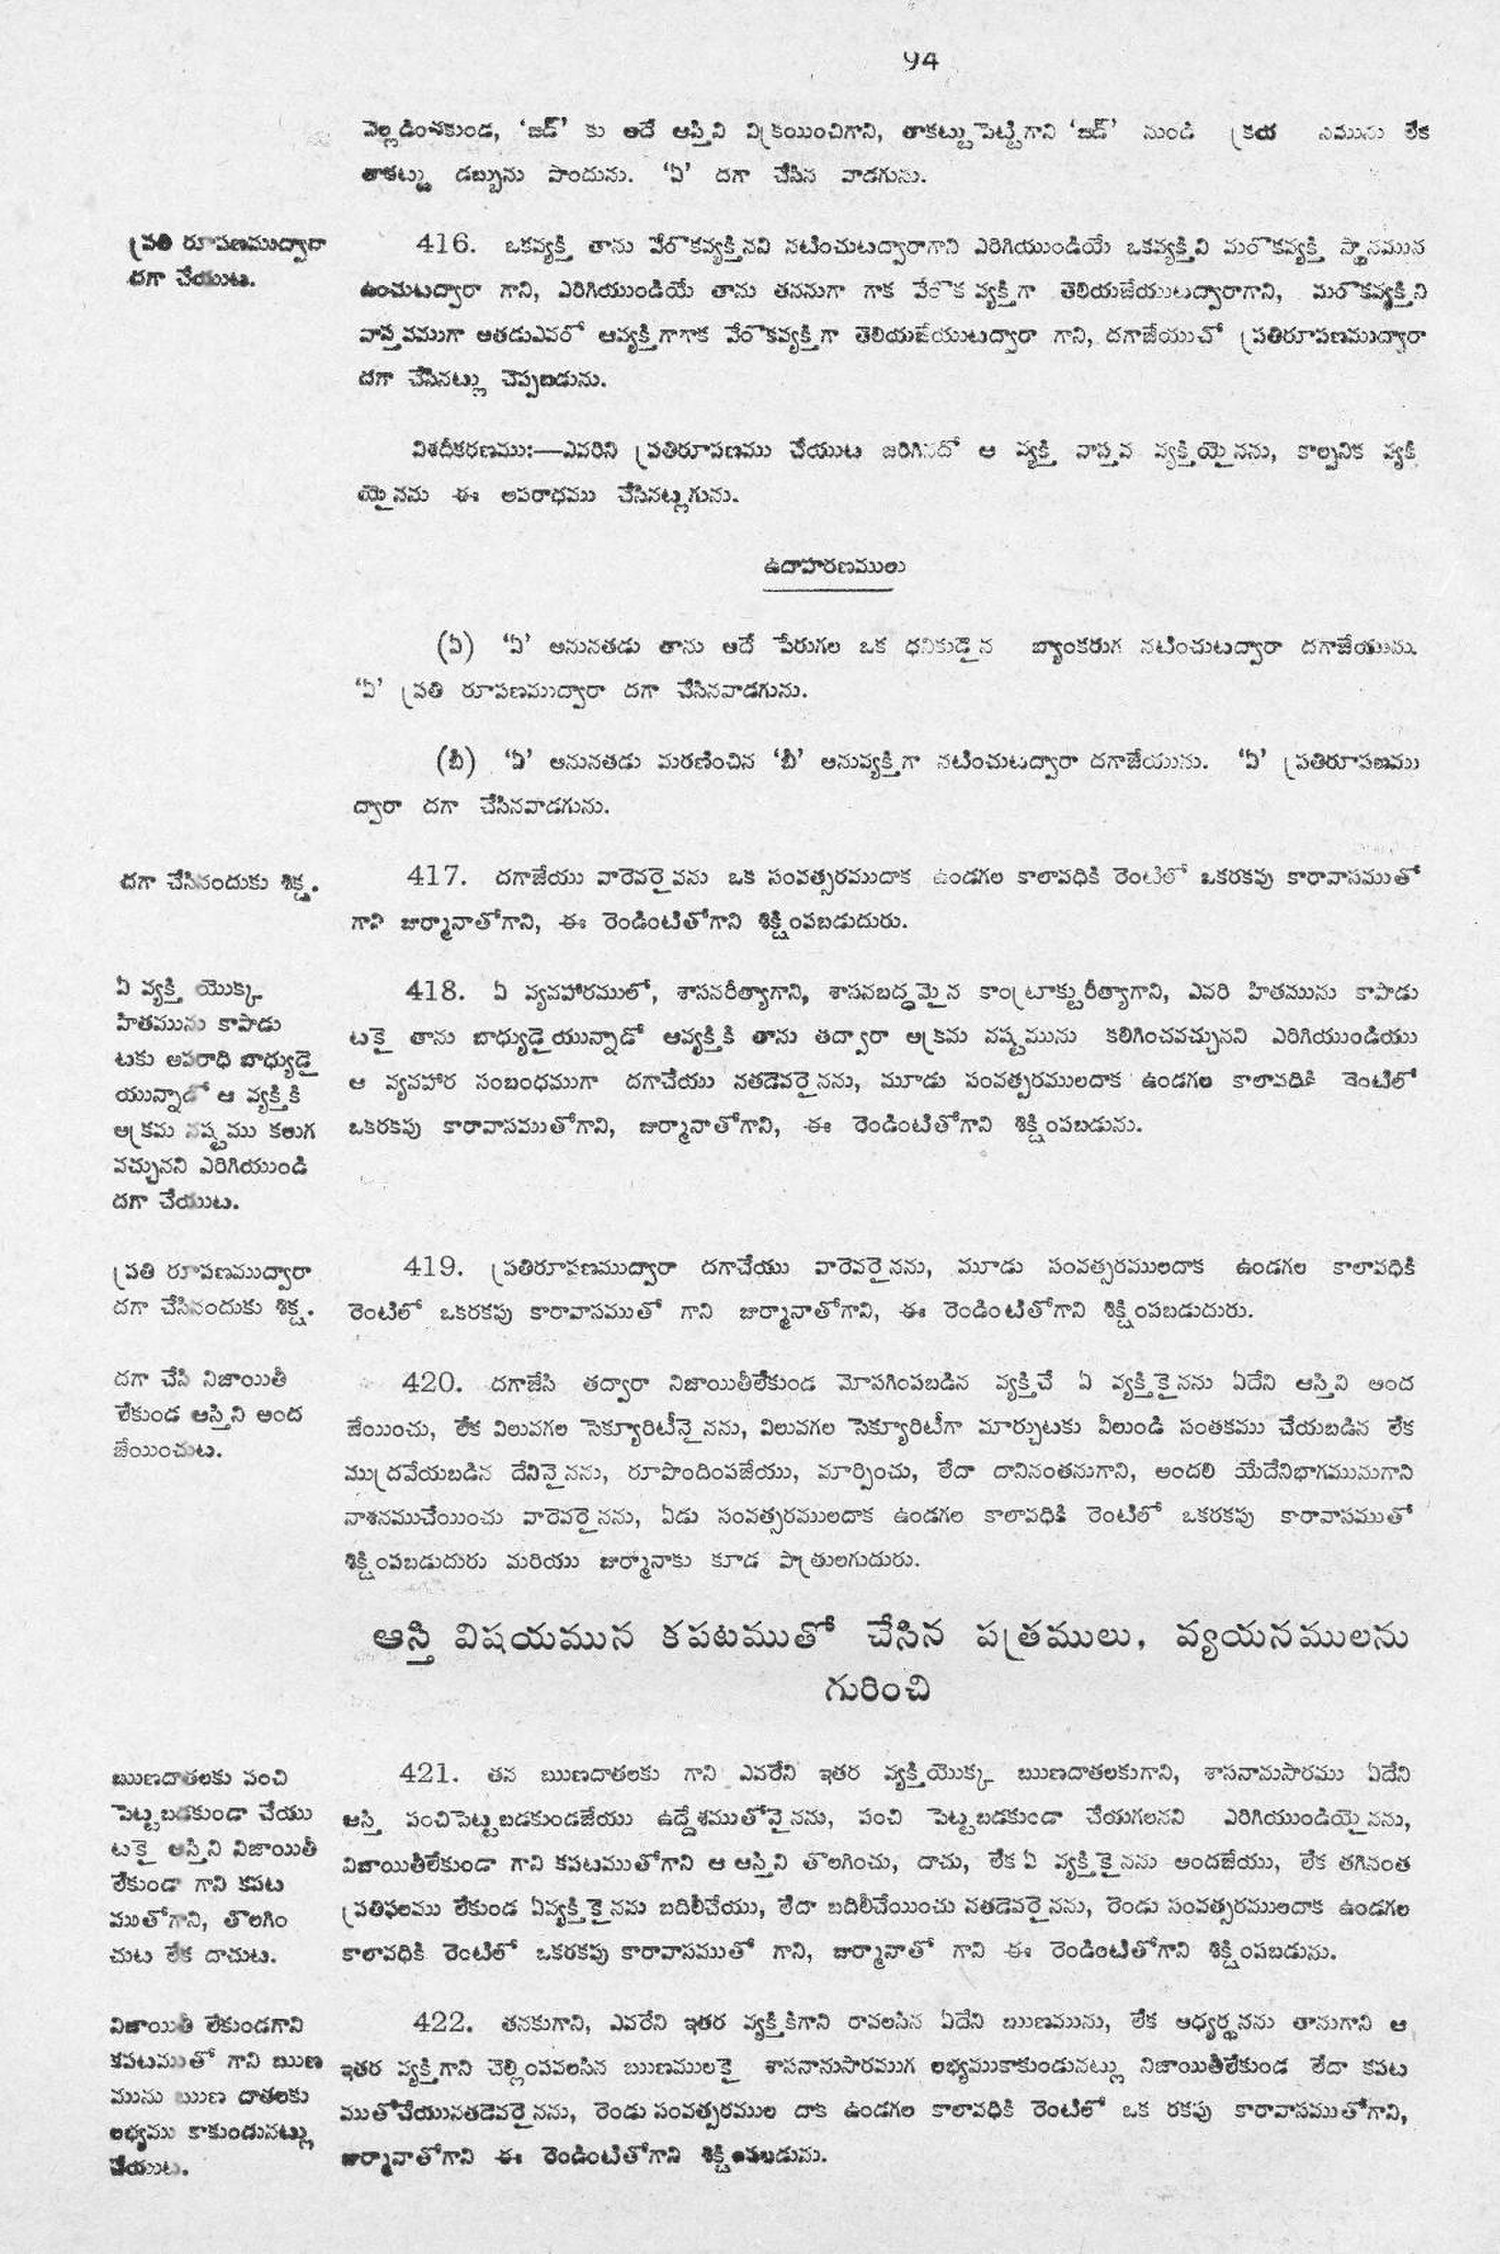నెల్లడించకుండ, 'జడ్' కు అదే ఆస్తిని విక్రయించిగాని, తాకట్టు పెట్టి గాని 'జడ్' నుండి క్రయమును లేక తాకట్టు డబ్బును పొందును. 'ఏ' దగా చేసిన వాడగును.

ప్రతి రూపణముద్వారా దగా చేయుట,

416. ఒకవ్యక్తి తాను వేరొకవ్యక్తి నని నటించుట ద్వారా గాని ఎరిగియుండియే ఒక వ్యక్తిని మరొకవ్యక్తి స్థానమున ఉంచుట ద్వారా గాని, ఎరిగియుండియే తాను తననుగా గాక వేరొక వ్యక్తిగా తెలియజేయుటద్వారాగాని, మరొకవ్యక్తిని వాస్తవముగా అతడు ఎవరో ఆవ్యక్తి గా గాక వేరొక వ్యక్తి గా తెలియజేయుటద్వారా గాని, దగాజేయుచో ప్రతిరూపణము ద్వారా దగా చేసినట్లు చెప్పబడును.

విశదీకరణము:-ఎవరిని ప్రతిరూపణము చేయుట జరిగినదొ ఆ వ్యక్తి నాస్తవ వ్యక్తి యైనను, కాల్పనిక వ్యక్తియైనను ఈ అపరాధము చేసినట్లగును.

(ఏ) ఏ' అనునతడు తాను అదే పేరుగల ఒక ధనికుడైన బ్యాంకరుగ నటించుట ద్వారా దగా జేయును.'ఏ' ప్రతి రూపణముద్వారా దగా చేసినవాడగును.

(బి) 'ఏ' అనునతడు మరణించిన 'బి' అనువ్యక్తి గా నటించుట ద్వారా దగాజేయును. 'ఏ' ప్రతిరూపణము ద్వారా దగా చేసినవాడగును.

దగా చేసినందుకు శిక్ష.

417. దగా జేయు వారెవరైనను ఒక సంవత్సరముదాక ఉండగల కాలావధికి రెంటిలో ఒకరకపు కారావాసముతో గాని జుర్మానాతోగాని, ఈ రెండింటితోగాని శిక్షింపబడుదురు.

నీ వ్యక్తి యొక్క హితమును కాపాడుటకు అపరాధి బాధ్యుడై యున్నాడో ఆ వ్యక్తికి అక్రమ నష్టము కలుగవచ్చునని ఎరిగియుండి
దగా చేయుట.

418. ఏ వ్యవహారములో, శాసనరీత్యాగాని, శాసనబద్ధ మైన కాంట్రాక్టు రీత్యాగాని, ఎవరి హితమును కాపాడుటకై తాను బాధ్యుడై యున్నాడో ఆవ్యక్తి కి తాను తద్వారా అక్రమ నష్టమును కలిగించవచ్చునని ఎరిగియుండియు ఆ వ్యవహార సంబంధముగా దగాచేయు నతడెవరైనను, మూడు సంవత్సరములదాక ఉండగల కాలావదికి రెంటిలో ఒకరకపు కారావాసముతోగాని, జుర్మానా తోగాని, ఈ రెండింటితోగాని శిక్షింపబడును.

ప్రతి రూపణము ద్వారా దగా చేసినందుకు శిక్ష.

419. ప్రతిరూపణముద్వారా దగాచేయు వారెవరైనను, మూడు సంవత్సరములదాక ఉండగల కాలావధికి రెంటిలో ఒకరకపు కారావాసముతో గాని జుర్మానాతోగాని, ఈ రెండింటితోగాని శిక్షింపబడుదురు.

దగా చేసి నిజాయితీ లేకుండ ఆస్తిని అంద జేయించుట.

420. దగాజేసి తద్వారా నిజాయితీ లేకుండ మోసగింపబడిన వ్యక్తి చే ఏ వ్యక్తి కైనను ఏదేని ఆస్తిని అందజేయించు, లేక విలువగల 'సెక్యూరిటీనైనను, విలువగల సెక్యూరిటీగా మార్చుటకు వీలుండి సంతకము చేయబడిన లేక ముద్రవేయబడిన దేనినైనను, రూపొందింపజేయు, మార్పించు, లేదా దానినంతనుగాని, అందలి యేదేనిభాగమునుగాని నాశనముచేయించు వారెవరైనను, ఏడు సంవత్సరములదాక ఉండగల కాలావధికి రెంటిలో ఒకరకపు కారావాసముతో శిక్షింపబడుదురు మరియు జుర్మానాకు కూడ పాత్రులగుదురు.

ఋణదాతలకు పంచిపెట్ట బడకుండా చేయుటకై ఆస్తిని నిజాయితీ లేకుండా గాని కపటముతోగాని, తొలగించుట లేక దాచుట.

421. తన ఋణదాతలకు గాని ఎవరేని ఇతర వ్యక్తి యొక్క ఋణదాతలకుగాని, శాసనానుసారము ఏదేని ఆస్తి పంచి పెట్ట బడకుండ జేయు ఉద్దేశముతోనైనను, పంచి పెట్ట బడకుండా చేయగలనని ఎరిగియుండియైనను, నిజాయితీ లేకుండా గాని కపటముతోగాని ఆ ఆస్తిని తొలగించు, దాచు, లేక ఏ వ్యక్తి కైనను అందజేయు, లేక తగినంత ప్రతిఫలము లేకుండ ఏవ్యక్తి కై నను బదిలీచేయు, లేదా బదిలీచేయించు నతడెవరైనను, రెండు సంవత్సరముల దాక ఉండగల కాలావధికి రెంటిలో ఒకరకపు కారావాసముతో గాని, జుర్మానాతో గాని ఈ రెండింటితోగాని శిక్షింపబడును.

నిజాయితీ లేకుండగాని కపటముతో గాని ఋణమును ఋణ దాతలకు లభ్యము కాకుండునట్లు చేయుట,

422. తనకుగాని, ఎవరేని ఇతర వ్యక్తి కిగాని రావలసిన ఏదేని ఋణమును, లేక ఆధ్యర్థనను తానుగాని ఆ ఇతర వ్యక్తి గాని చెల్లింపవలసిన ఋణములకై శాసనానుసారముగ లభ్యముకాకుండునట్లు నిజాయితీలేకుండ లేదా కపటముతో చేయునతడెవరైనను, రెండు సంవత్సరముల దాక ఉండగల కాలావధికి రెంటిలో ఒక రకపు కారావాసముతోగాని, జుర్మానాతోగాని ఈ రెండింటితోగాని శిక్షింపబడును.